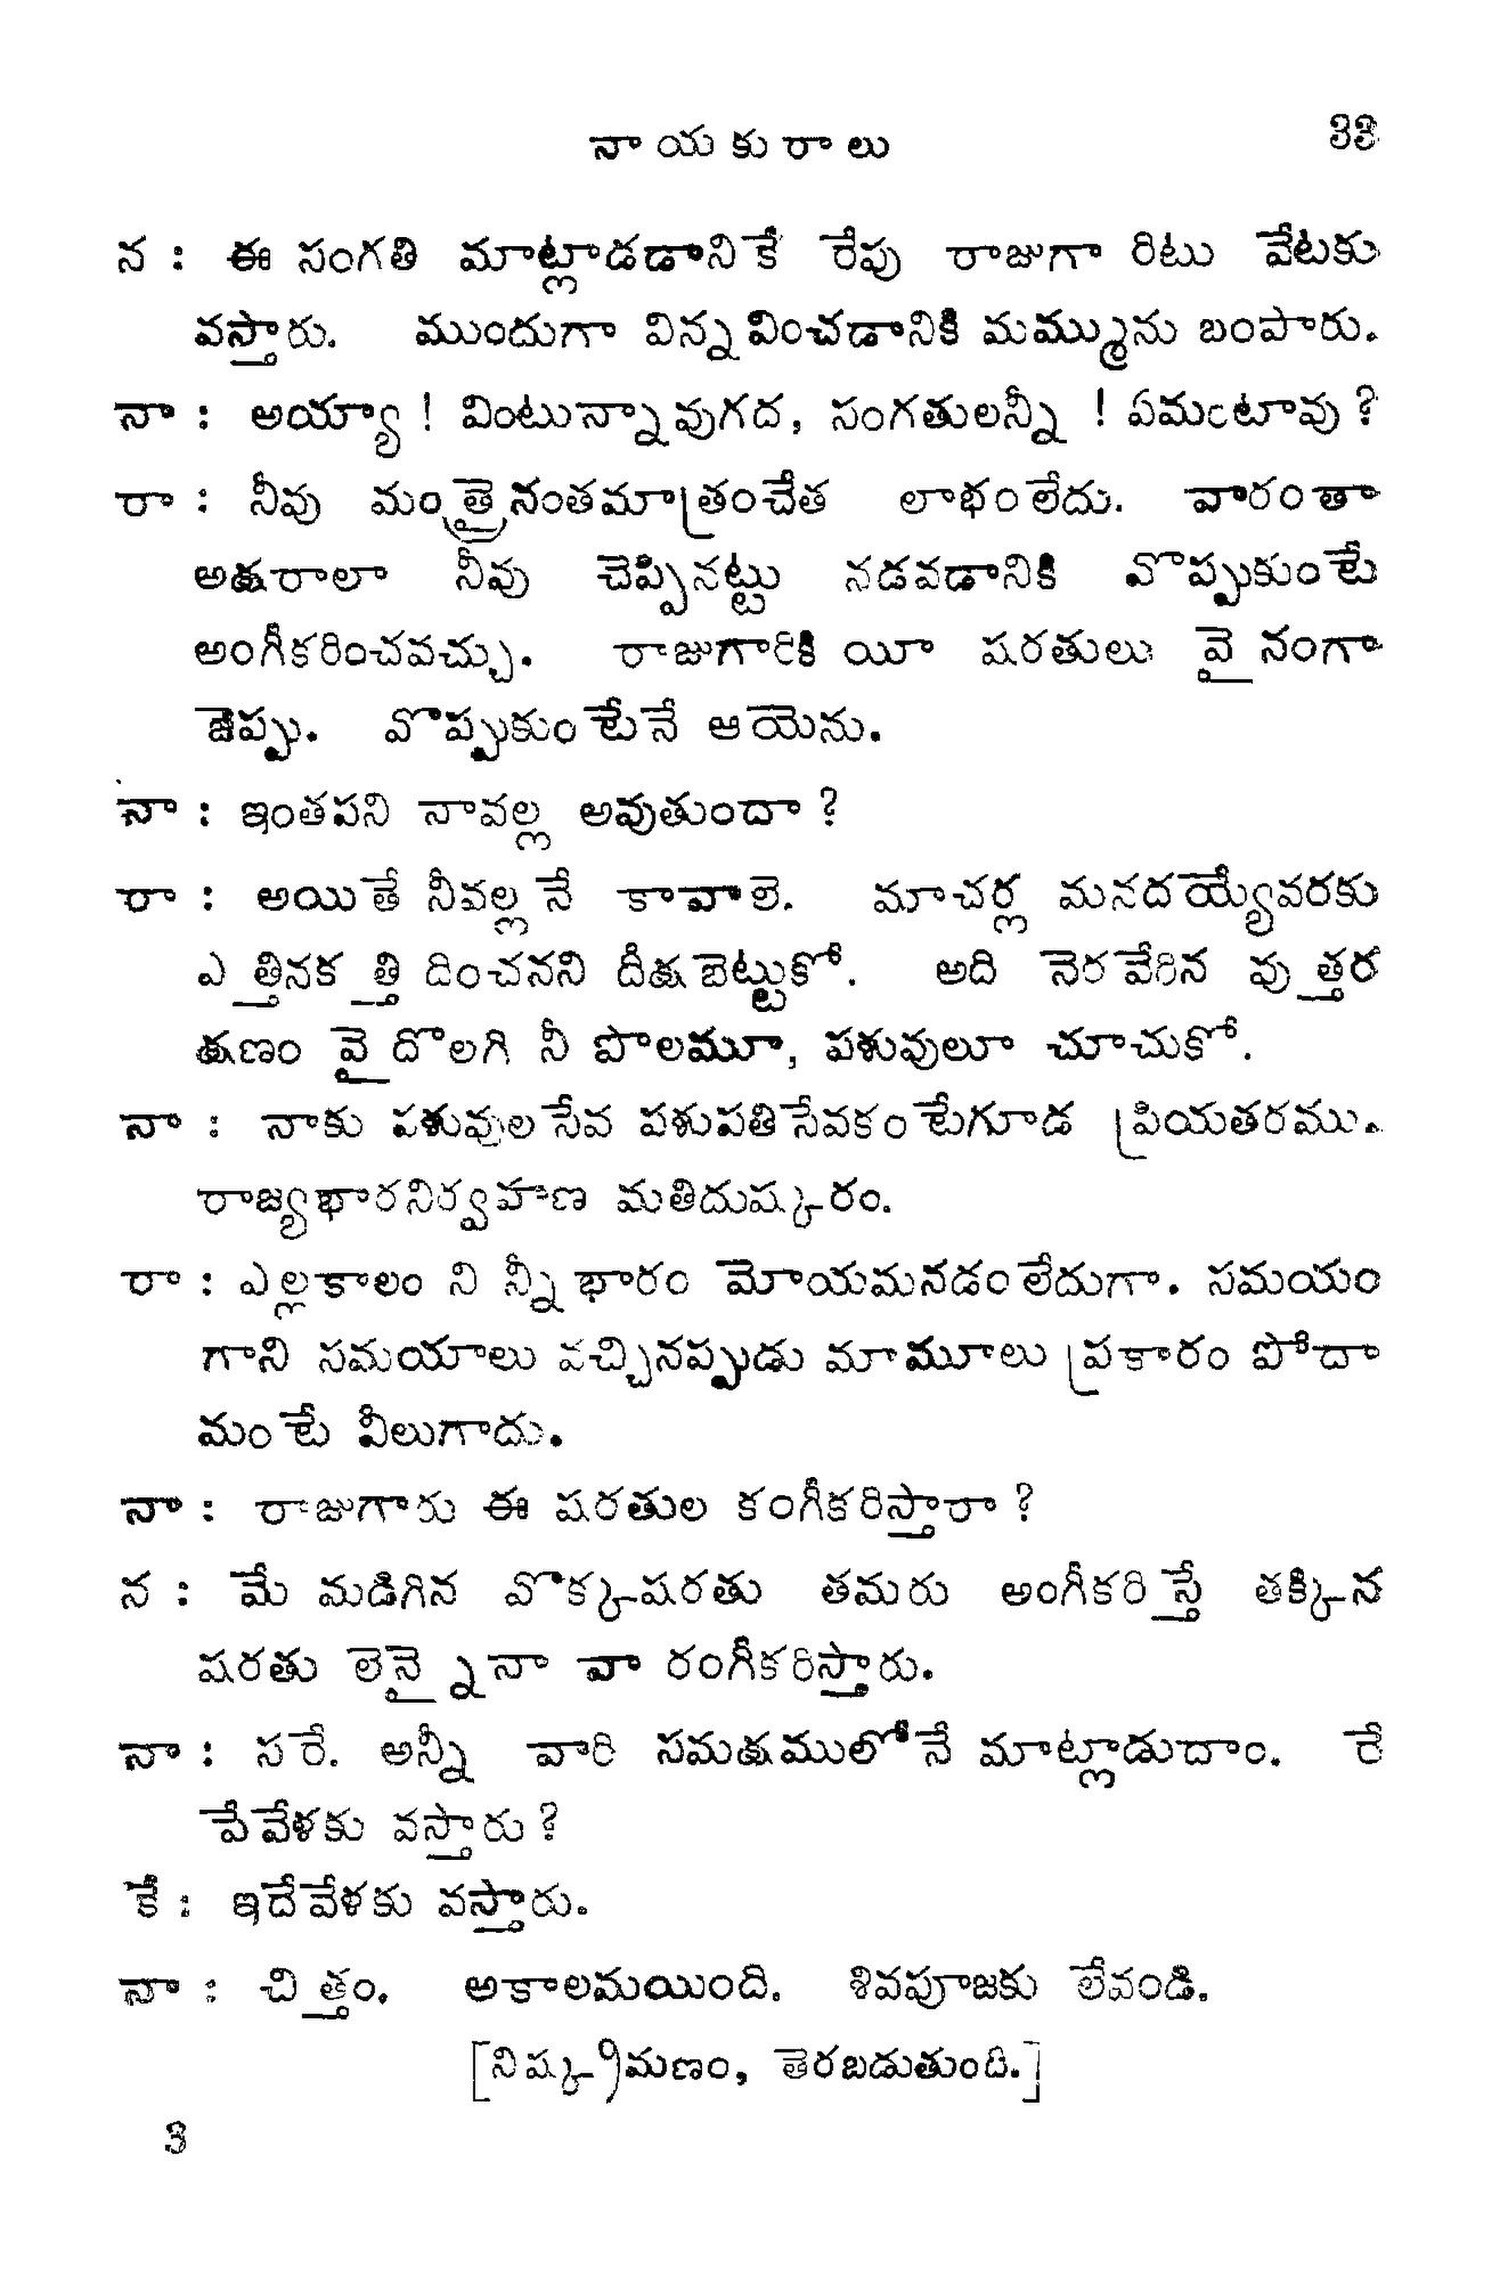న: ఈ సంగతి మాట్లాడడానికే రేపు రాజుగా రిటు వేటకు వస్తారు. ముందుగా విన్నవించడానికి మమ్మును బంపారు.

నా : అయ్యా ! వింటున్నావుగద, సంగతులన్నీ ! ఏమంటావు ?

రా : నీవు మంత్రైనంతమాత్రంచేత లాభంలేదు. వారంతా అక్షరాలా నీవు చెప్పినట్టు నడవడానికి వొప్పుకుంటే అంగీకరించవచ్చు. రాజుగారికి యీ షరతులు వైనంగా జెప్పు. వొప్పుకుంటేనే ఆయెను.

నా : ఇంతపని నావల్ల అవుతుందా ?

రా : అయితే నీవల్లనే కావాలె. మాచర్ల మనదయ్యేవరకు ఎత్తినకత్తి దించనని దీక్ష,బెట్టుకో. అది నెరవేరిన వుత్తరక్షణం వైదొలగి నీ పొలమూ, పశువులూ చూచుకో.

నా : నాకు పశువులసేవ పశుపతిసేవకంటేగూడ ప్రియతరము. రాజ్యభారనిర్వహణ మతిదుష్కరం.

రా: ఎల్లకాలం ని న్నీ భారం మోయమనడంలేదుగా. సమయం గాని సమయాలు వచ్చినప్పుడు మామూలు ప్రకారం పోదామంటే వీలుగాదు.

నా: రాజుగారు ఈ షరతుల కంగీకరిస్తారా ?

న : మే మడిగిన వొక్కషరతు తమరు అంగీకరిస్తే తక్కిన షరతు లెన్నైనా వా రంగీకరిస్తారు.

నా : సరే. అన్నీ వారి సమక్షములోనే మాట్లాడుదాం. రేపేవేళకు వస్తారు ?

కే: ఇదే వేళకు వస్తారు.

నా : చిత్తం. అకాలమయింది. శివపూజకు లేవండి.